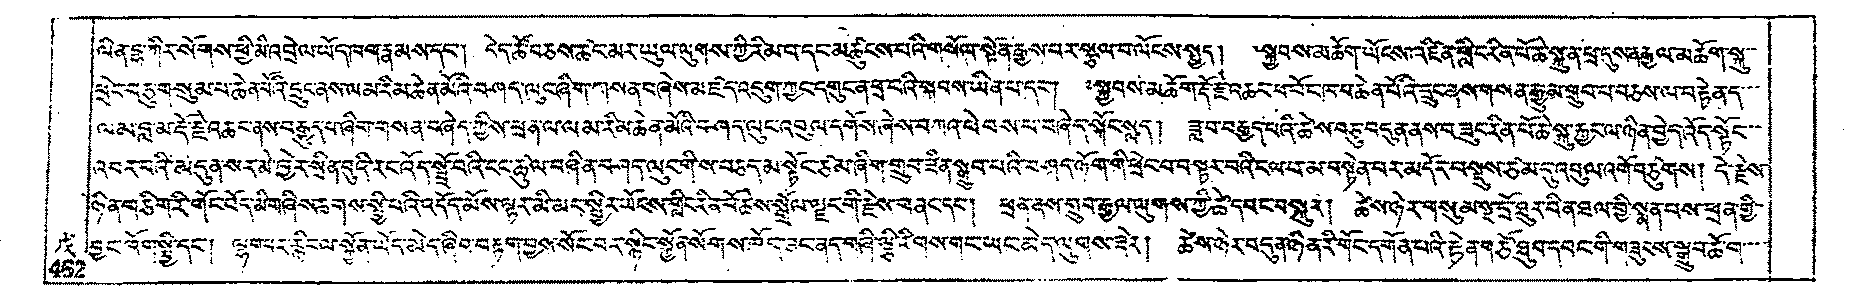ལིན་དྷ་ཀིར་སོགས་ཕྱི་མི་འབྲེལ་ཡོད་ཁག་རྣམས་དང་། ངེད་ཚོ་བཅས་ཚང་མར་ཡུལ་ལུགས་ཀྱི་རིམ་པ་དང་མཚུངས་པའི་གསོལ་སྟོན་རྒྱས་པར་སྩལ་བ་ལོངས་སྤྱད། ༧སྐྱབས་མཆོག་ཡོངས་འཛིན་གླིང་རིན་པོ་ཆེ་སྐུ་ན་ཕྲ་དུས་ན་རྒྱལ་མཆོག་སྐུ་
ཕྲེང་བཅུ་གསུམ་པ་ཆེན་པོའི་དྲུང་ནས་ལམ་རིམ་ཆེན་མོའི་བཤད་ལུང་ཞིག་གསན་བཞེས་མཛད་འདུག་ཀྱང་དགུང་ན་ཕྲ་བའི་སྐབས་ཡིན་པ་དང་། ༧སྐྱབས་མཆོག་རྡོ་རྗེ་འཆང་ཕ་བོང་ཁ་པ་ཆེན་པོའི་དྲུང་ནས་གསན་རྒྱུ་མ་གྲུབ་པ་བཅས་ལ་བརྟེན་ད་
ལམ་བླ་མ་རྡོ་རྗེ་འཆང་ནས་བརྒྱུད་པ་ཞིག་གསན་བཞེད་ཀྱིས་ཕྲན་ལ་ལམ་རིམ་ཆེན་མོའི་བཤད་ལུང་འབུལ་དགོས་ཞེས་བཀའ་ཕེབས་པ་བཞེད་སྐོང་སླད། ཟླ་བ་བརྒྱད་པའི་ཚེས་བཅུ་བདུན་ནས་བཟུང་རིན་པོ་ཆེ་སྐུ་རྐྱང་ལ་ཉིན་བྱེད་འོད་སྟོང་
འབར་བའི་མདུན་སར་མེ་ཁྱེར་སྲིན་བུའི་རང་འོད་སྤྲོ་བའི་ངང་ཚུལ་བཞིན་བཤད་ལུང་གི་ས་བཅད་མ་སྟོང་ཙམ་ཞིག་གྲུབ་ཟིན་སྒྲུབ་པའི་བཤད་ཉོག་གི་ཕྲེང་བ་བསྟར་བའི་ངལ་པ་མ་བསྟེན་པར་མདོར་བསྡུས་ཙམ་དུ་འབུལ་འགོ་བཙུགས། དེ་རྗེས་
ཉིན་གཅིག་རི་གོང་བོད་མི་གཞིས་ཆགས་སྤྱི་པའི་འདོད་མོས་ལྟར་མི་མང་སྤྱིར་ཡོངས་གླིང་རིན་པོ་ཆེས་སྒྲོལ་ལྗང་གི་རྗེས་གནང་དང་། ཕྲན་ནས་གྲུབ་རྒྱལ་ལུགས་ཀྱི་ཚེ་དབང་བསྐུར། ཚེས་ཉེར་གསུམ་སྔ་དྲོ་ཐུར་བིན་ཐལ་གྱི་སྨན་པས་ཕྲན་གྱི་
བྱང་ཁོག་སྤྱི་དང་། ལྷག་པར་རྙིང་ལ་སྐྱོན་ཡོད་མེད་ཞིབ་བརྟག་བྱས་སོང་བར་སྙིང་སྐྱོན་སོགས་ཁོག་ནང་ནད་གཞི་ལྕི་རིགས་གང་ཡང་མེད་ལུགས་ཟེར། ཚེས་ཉེར་བདུན་ཉིན་རི་གོང་དགོན་པའི་རྟེན་གཙོ་ཐུབ་དབང་གི་གཟུངས་སྒྲུབ་ཆོ་ག་